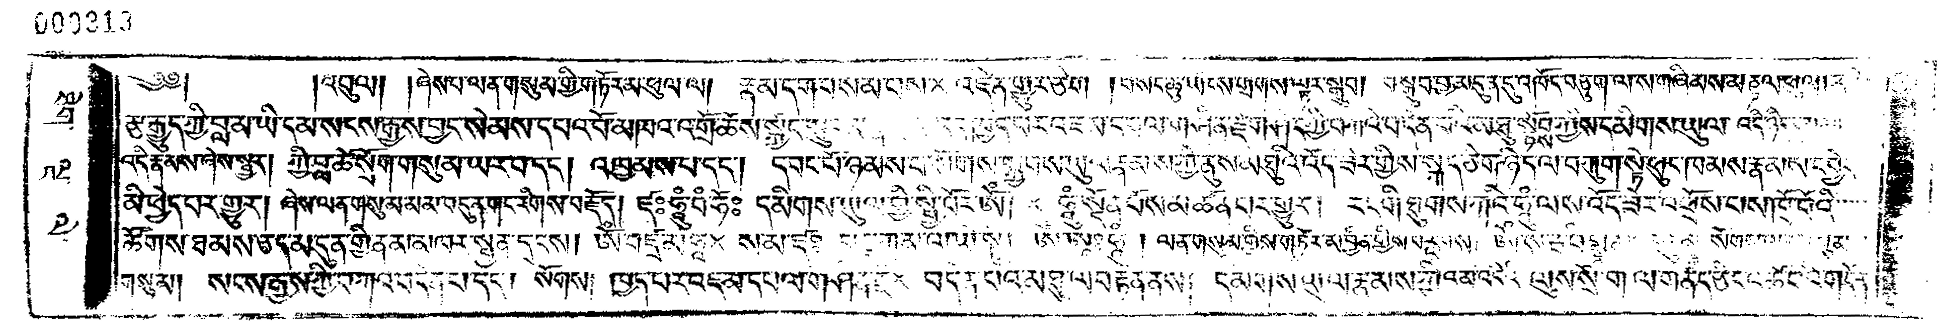༄༅། །འབུལ། །ཞེས་པ་ལན་གསུམ་གྱི་གཏོར་མ་ཕུལ་ལ།  རྣམ་དག་བསམ་པས་྾་འཛིན་གྱུར་ཅིག་།བསང་ཆུ་ཡོངས་གྲགས་ལྟར་སྒྲུབ། བསྒྲུབ་བྱ་མདུན་དུ་འཁོད་བཅུག་ལ་ས་གཞི་མས་མཎྜལ་ཕུལ།  ན་མོ་
རྩ་རྒྱུད་ཀྱི་བླ་མ་ཡི་དམ་སངས་རྒྱས་བྱང་སེམས་དཔའ་བོ་མཁའ་འགྲོ་ཆོས་སྐྱོང་སྲུང་མ་རྣམས་དང་ཁྱད་པར་འཇམ་དཔལ་གཤིན་རྗེ་གཤེད་ཀྱི་བཀའི་བདེན་པའི་མཐུ་སྟོབས་ཀྱིས་དམིགས་ཡུལ་འདི་ཉིད་དམ་མང་ན་
འདི་རྣམས་ཞེས་སྦྱར། ཀྱི་བླ་ཚེ་སྲོག་གསུམ་ཡར་བ་དང་། འཁྱམས་པ་དང་། དབང་པོ་ཉམས་པ་སོགས་སྐྱབས་ཡུལ་རྣམས་ཀྱི་ནུས་མཐུའི་འོད་ཟེར་གྱིས་སྐད་ཅིག་ཉིད་ལ་བཀུག་སྟེ་ཕུང་ཁམས་རྣམས་དབྱེར་
མི་ཕྱེད་པར་གྱུར། ཞེས་ལན་གསུམ་མམ་བདུན་གང་རིགས་བརྗོད།  ཛཿ ཧཱུཾ་བཾ་ཧོཿ དམིགས་ཡུལ་གྱི་སྤྱི་བོར་ཨོཾ།྾་ཧཱུཾ་སྔོན་པོས་མཚན་པར་གྱུར། རང་གི་ཐུགས་ཀའི་ཧཱུཾ་ལས་འོད་ཟེར་འཕྲོས་པས་ཁྲོ་བོའི་
ཚོགས་ཐམས་ཅད་བདུན་གྱི་ནམ་མཁར་སྤྱན་དྲངས། ཨོཾ་བྫར་མཧཱ་྾་ས་མ་ཛཿ པདམ་ཀ་མ་ལ་ཡེ་སྟྭཾ། ཨོཾ་ཨཱཿ ཧཱུཾ། ལན་གསུམ་གྱིས་གཏོར་མ་བྱིན་གྱིས་བརླབས།  ཨོཾ་སརྦ་བི་གྷྣ་ན྾་སུ་མྦྷ་སོགས་ལན་གསུམ་
གསུམ། སངས་རྒྱས་ཀྱི་བཀའ་བདེན་པ་དང་། སོགས། ཁྱད་པར་འཇམ་དཔལ་གཤིན་རྗེ་྾་བདེན་པའི་མཐུ་ལ་བརྟེན་ནས། དམིགས་ཡུལ་རྣམས་ཀྱིའམ་འདིའི་ལུས་སྲོག་ལ་གནོད་ཅིང་འཚེ་བའི་གདོན་